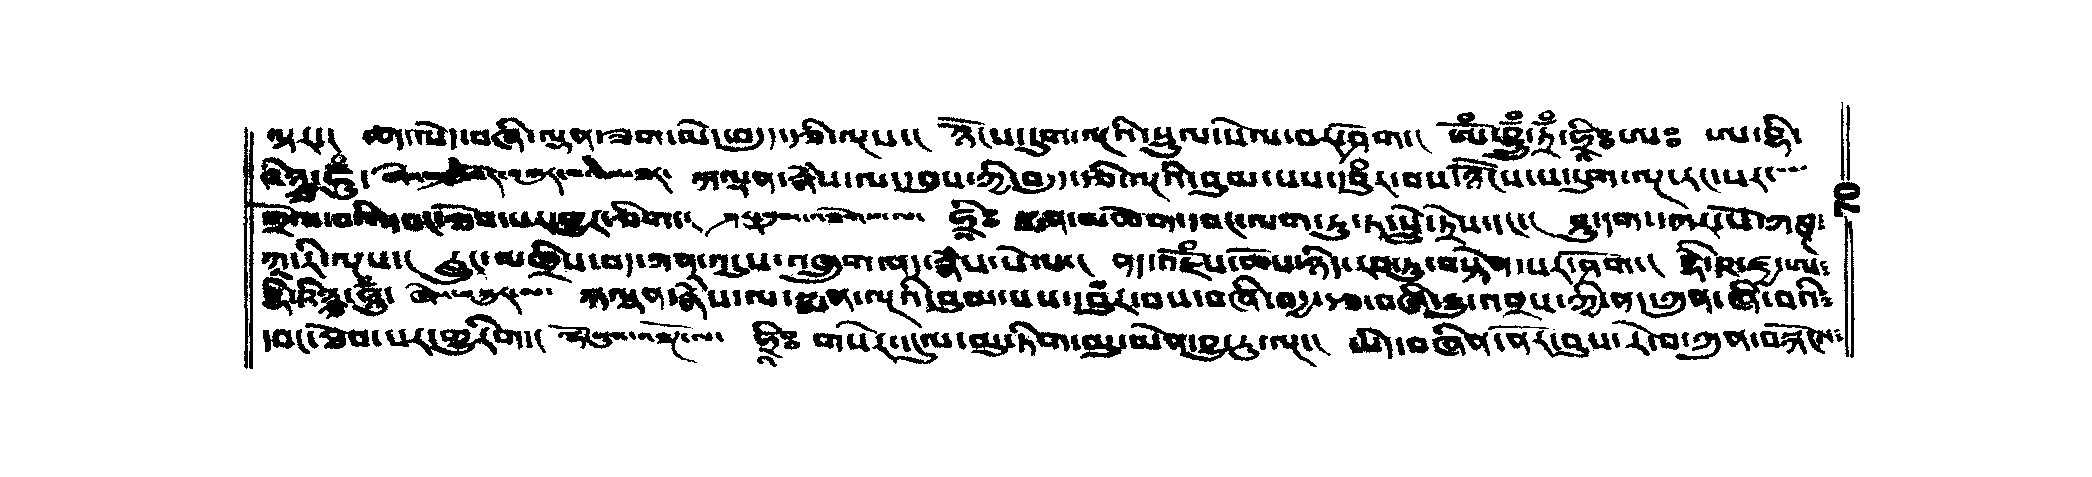ལྟར། ཚད་མེད་བཞི་ལྡན་ཟག་མེད་བདུད་རྩི་ལྔ། ཉོན་མོངས་དུག་ལྔའི་སྡུག་བསྔལ་སེལ་བར་ཤོག ཨོཾ་བྷྲུྃ་ཏྲྃ་ཧྲཱིཿཨཿ ཨ་བྷི་
རིཉྩ་ཧཱུྃ། ཞེས་སྤྱི་བོར་བསྐུར་བའི་མཐར། སྐལ་ལྡན་རྣམས་ལ་དབུས་ཀྱི་བདུད་རྩི་ལྔའི་བུམ་པས་དབང་བསྐུར་བས་ཉོན་མོངས་པ་དུག་ལྔ་རང་སར་
གྲོལ་བའི་དབང་ཐོབ་པར་གྱུར་ཅིག ཤར་བུམ་འཐོགས་ལ། ཧྲཱིཿ སྨན་མཆོག་དབང་ལག་ཏུ་ཏ་སླེ་ཏྲེས་དང་། ཤུ་དག་དཀར་པོ་ཀཎྚ་
ཀཱ་རི་ལྔས། རླུང་མཁྲིས་བད་ཀན་འདུས་འཁྲུག་ནས་རྣམས་སེལ། ནད་འཇོམས་ཆོས་ཉིད་རབ་ཏུ་བསྟེན་པར་ཤོག བྷཻ་ར་ཛྱ་ཨ་
བྷི་རིཉྩ་ཧཱུྃ། ཞེས་བསྐུར་ལ། སྐལ་ལྡན་རྣམས་ལ་སྨན་ལྔའི་བུམ་པས་དབང་བསྐུར་བས་བཞི་བརྒྱ་རྩ་བཞི་རྒྱུ་འབྲས་ཀྱི་ནད་ཀུན་ཞི་བའི་
དབང་ཐོབ་པར་གྱུར་ཅིག ལྷོ་ནུབ་འཐོགས་ལ། ཧྲཱིཿ གསེར་དངུལ་མུ་ཏིག་མུ་མེན་བྱུ་རུ་ལྔ། ཡིད་བཞིན་ནོར་བུས་རེ་བ་ཀུན་བསྐོང་